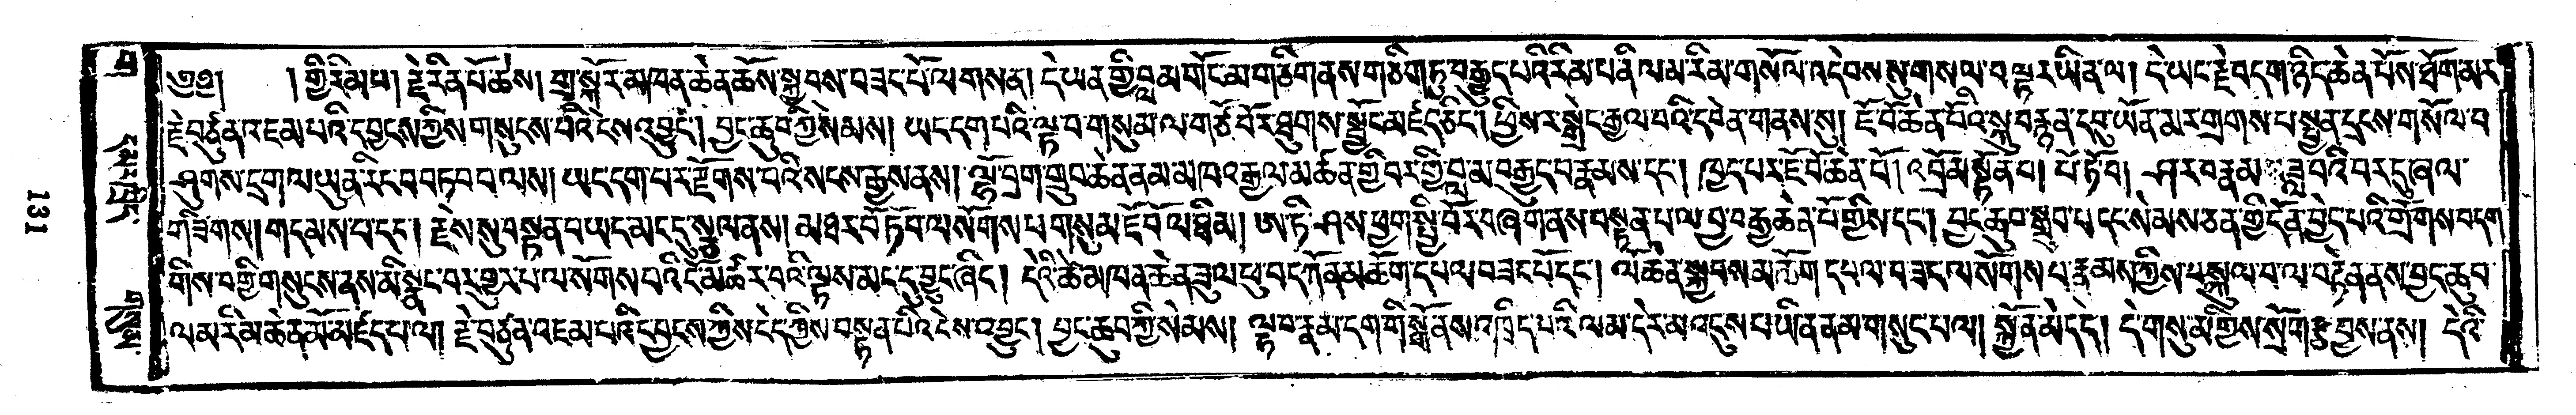༄༅། །གྱི་རིམ་པ། རྗེ་རིན་པོ་ཆེས། གྲ་སྐོར་མཁན་ཆེན་ཆོས་སྐྱབས་བཟང་པོ་ལ་གསན། དེ་ཡན་གྱི་བླ་མ་གོང་མ་གཅིག་ནས་གཅིག་ཏུ་བརྒྱུད་པའི་རིམ་པ་ནི་ལམ་རིམ་གསོལ་འདེབས་སུ་གསལ་བ་ལྟར་ཡིན་ལ། དེ་ཡང་རྗེ་བདག་ཉིད་ཆེན་པོས་ཐོག་མར་
རྗེ་བཙུན་འཇམ་པའི་དབྱངས་ཀྱིས་གསུངས་པའི་ངེས་འབྱུང་། བྱང་ཆུབ་ཀྱི་སེམས། ཡང་དག་པའི་ལྟ་བ་གསུམ་ལ་གཙོ་བོར་ཐུགས་སྦྱོང་མཛད་ཅིང་། ཕྱིས་ར་སྒྲེང་རྒྱལ་བའི་དབེན་གནས་སུ། ཇོ་བོ་ཆེན་པོའི་སྐུ་བརྙན་དབུ་ཡོན་མར་གྲགས་པ་སྤྱན་དྲངས་གསོལ་བ་
ཤུགས་དྲག་ལ་ཡུན་རིང་བ་བཏབ་བ་ལས། ཡང་དག་པར་རྫོགས་པའི་སངས་རྒྱས་ནས། ལྷོ་བྲག་གྲུབ་ཆེན་ནམ་མཁའ་རྒྱལ་མཚན་གྱི་བར་གྱི་བླ་མ་བརྒྱུད་པ་རྣམས་དང་། ཁྱད་པར་ཇོ་བོ་ཆེན་པོ། འབྲོམ་སྟོན་པ། པོ་ཏོ་བ། ཤ་རབ་རྣམ་བཟླས་པའི་པར་དུ་ཞལ་
གཟིགས། གདམས་པ་དང་། རྗེས་སུ་བསྟན་པ་ཡང་མང་དུ་སྩལ་ནས། མཐར་བོ་ཏོ་བ་ལ་སོགས་པ་གསུམ་ཇོ་བོ་ལ་ཐིམ། ཨ་ཏི་ཤས་ཕྱག་སྤྱི་བོར་བཞག་ནས་བསྟན་པ་ལ་བྱ་བརྒྱ་ཆེན་པོ་གྱིས་དང་། བྱང་ཆུབ་སྒྲུབ་པ་དང་སེམས་ཅན་གྱི་དོན་བྱེད་པའི་གྲོགས་བདག་
གིས་བགྱི་གསུངས་ནས་མི་སྣང་བར་གྱུར་པ་ལ་སོགས་པའི་ངོ་མཚར་བའི་ལྟས་མང་དུ་བྱུང་ཞིང་། དེའི་ཚེ་མཁན་ཆེན་ཟུལ་ཕུ་བ་དཀོན་མཆོག་དཔལ་བཟང་པོ་དང་། ལོ་ཆེན་སྐྱབས་མཆོག་དཔལ་བཟང་ལ་སོགས་པ་རྣམས་ཀྱིས་བསྐུལ་བ་ལ་བརྟེན་ནས་བྱང་ཆུབ་
ལམ་རིམ་ཆེན་མོ་མཛད་པ་ལ། རྗེ་བཙུན་འཇམ་པའི་དབྱངས་ཀྱིས་ངེད་ཀྱིས་བསྟན་པའི་ངེས་འབྱུང་། བྱང་ཆུབ་ཀྱི་སེམས། ལྟ་བ་རྣམ་དག་གི་སྒོ་ནས་འཁྲིད་པའི་ལམ་དེར་མ་འདུས་པ་ཡིན་ནམ་གསུང་པ་ལ། སྐྱོན་མེད་དེ། དེ་གསུམ་གྱིས་སྲོག་རྩ་བྱས་ནས། དེའི་